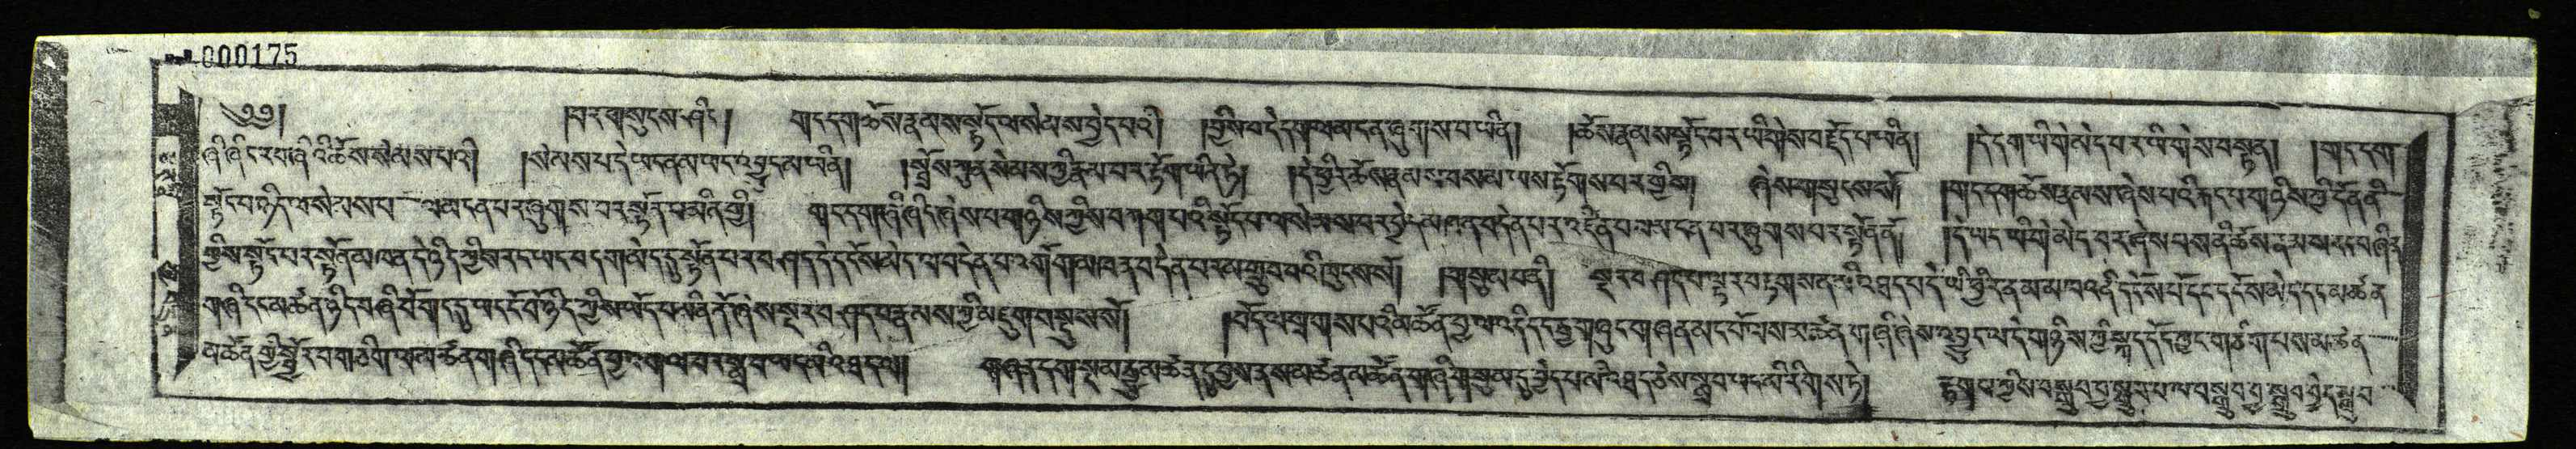༄༅། །བར་གསུངས་ཤིང་། གང་དག་ཆོས་རྣམས་སྟོང་ལ་སེམས་བྱེད་པའི། །བྱིས་བདེ་དག་ལམ་ངན་ཞུགས་པ་ཡིན། །ཆོས་རྣམས་སྟོང་བར་ཡི་གེས་བརྗོད་པ་ཡིན། །དེ་དག་ཡི་གེ་མེད་པར་ཡི་གེས་བསྟན། །གང་དག་
ཞི་ཞིང་རབ་ཞིའི་ཆོས་སེམས་པའི། །སེམས་པ་དེ་ཡང་ནམ་ཡང་འབྱུང་མ་ཡིན། །སྤྲོས་ཀུན་སེམས་ཀྱི་རྣམ་པར་རྟོག་ཡིན་ཏེ། །དེ་ཕྱིར་ཆོས་རྣམས་བསམ་ཡས་རྟོགས་བར་གྱིས། ཞེས་གསུངས་སོ། །གང་དག་ཆོས་རྣམས་ཞེས་པའི་རྐང་པ་གཉིས་ཀྱི་དོན་ནི་
སྟོང་བ་ཉིད་ལ་སེམས་པ་ལམ་ངན་པར་ཞུགས་པར་སྟོན་པ་མིན་གྱི། གང་དག་ཞི་ཞིང་ཞེས་པ་གཉིས་ཀྱིས་བཀག་པའི་སྟོང་པ་ལ་སེམས་པར་བྱེད་མཁན་བདེན་པར་འཛིན་པ་ལམ་ངན་པར་ཞུགས་པར་སྟོན་ནོ། །དེ་ཡང་ཡི་གེ་མེད་པར་ཞེས་པས་ནི་ཆོས་རྣམས་རང་བཞིན་
གྱིས་སྟོང་པར་སྟོན་མཁན་དེ་ཉིད་ཀྱིས་རང་ཡང་བདག་མེད་དུ་སྟོན་པར་བཤད་དེ་དངོས་མེད་ལ་བདེན་པ་འགོག་མཁན་བདེན་པར་མ་གྲུབ་པའི་ཁུངས་སོ། །གསུམ་པ་ནི། སྔར་བཤད་པ་ལྟར་བརྟགས་ན་མི་འཐད་པ་དེ་ཡི་ཕྱིར་ནམ་མཁའ་ནི་དངོས་པོ་དང་དངོས་མེད་དང་མཚན་
གཞི་དང་མཚན་ཉིད་བཞི་པོ་གང་དུ་ཡང་ངོ་བོ་ཉིད་ཀྱིས་ཡོད་པ་མིན་ནོ་ཞེས་སྔར་བཤད་པ་རྣམས་ཀྱི་མཇུག་བསྡུས་སོ། །བོད་ལ་གྲགས་པའི་མཚོན་བྱ་ལ་འདི་དང་རྒྱ་གཞུང་གཞན་མང་པོ་ལས་མཚན་གཞི་ཞེས་འབྱུང་ལ་དེ་གཉིས་ཀྱི་སྐད་དོད་ཀྱང་གཅིག་པས་མཚན་
མཚོན་གྱི་སྦྱོར་བ་གཅིག་ལ་མཚན་གཞི་དང་མཚོན་བྱ་འགལ་བར་སྨྲ་བ་ཡང་མི་འཐད་ལ། གཞན་དག་སྔ་མ་རྒྱུ་མཚན་དུ་བྱས་ནས་མཚན་མཚོན་གཞི་གསུམ་དུ་བྱེད་པ་མི་འཐད་ཅེས་སྨྲ་བ་ཡང་མི་རིགས་ཏེ། རྟགས་ཀྱིས་བསྒྲུབ་བྱ་སྒྲུབ་པ་ལ་བསྒྲུབ་བྱ་སྒྲུབ་བྱེད་སྒྲུབ་